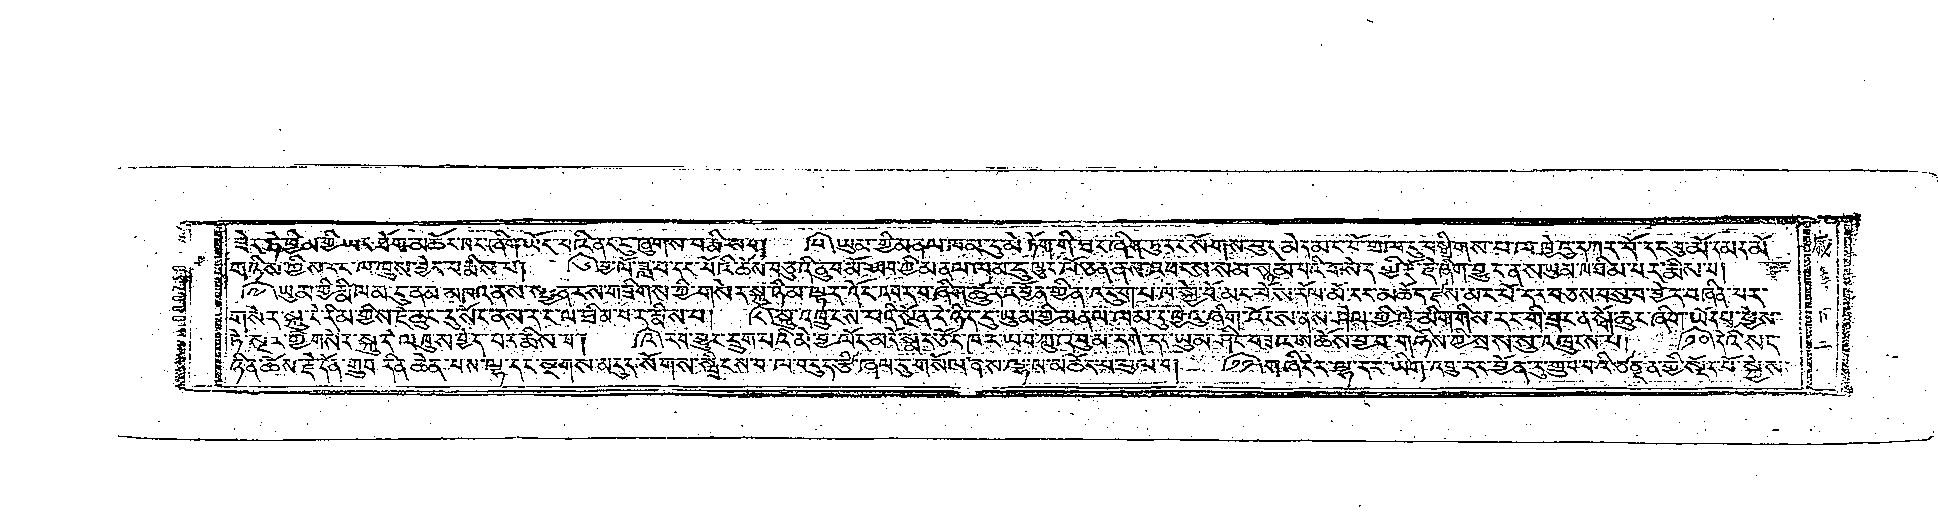ཟེར་ཏེ་ཁྱིམ་གྱི་ཡང་ཐོག་མཆོད་ཁང་ཞིག་ཡོད་པའི་ནང་དུ་ཞུགས་པ་རྨིས་པ། ༥?་ཡུམ་གྱི་མནལ་ལམ་དུ་མེ་ཏོག་གི་ཐར་ཞིག་ཏུ་རང་སོགས་བུད་མེད་མང་པོ་གྲལ་དུ་བསྒྲིགས་པ་ལ་ཁྱེའུ་དཀར་པོ་དང་བུ་མོ་དམར་མོ་
གཉིས་ཀྱིས་རང་ལ་ཁྲུས་བྱེད་པ་རྨིས་པ། ༦?་བྱ་ལོ་ཟླ་བ་དང་པོའི་ཚེས་བཅུའི་ནུབ་མོ་ཡབ་ཀྱི་མནལ་ལམ་དུ་ལྕང་ལོ་ཅན་ནས་འཕངས་སམ་སྙམ་པའི་གསེར་གྱི་རྡོ་རྗེ་ཞིག་བྱུང་ནས་ཡུམ་ལ་ཐིམ་པར་རྨིས་པ།
༧?་ཡུམ་གྱི་རྨི་ལམ་དུ་ནམ་མཁའ་ནས་སྤྱན་རས་གཟིགས་ཀྱི་གསེར་སྐུ་ཉི་མ་ལྟར་འོད་འབར་བ་ཞིག་ཚུར་འབྱོན་གྱིན་འདུག་པ་ལ་སྐྱེ་བོ་མང་པོས་རོལ་མོ་དང་མཆོད་རྫས་མང་པོ་དང་བཅས་བསུ་བ་བྱེད་བཞིན་པར་
གསེར་སྐུ་དེ་རིམ་གྱིས་ཇེ་ཆུང་དུ་སོང་ནས་རང་ལ་ཐིམ་པར་རྨིས་པ། ༨?་སྐུ་འཁྲུངས་པའི་སྔོན་དེ་ཉིད་དུ་ཡུམ་གྱི་མནལ་ལམ་དུ་ཁྱེའུ་ཞིག་འོངས་ནས་ཤེལ་གྱི་ལྡེ་མིག་གིས་རང་གི་བྲང་ན་སྒོ་ཆུང་ཞིག་ཡོད་པ་ཕྱེས་
ཏེ་སྔར་གྱི་གསེར་སྐུ་དེ་ལ་ཁྲུས་བྱེད་བར་རྨིས་པ། ༼༩?་རབ་བྱུང་དྲུག་པའི་མེ་བྱ་ལོར་མདོ་སྨད་ཙོང་ཁར་ཡབ་ཀླུ་འབུམ་དགེ་དང་ཡུམ་ཤིང་བཟའ་ཨ་ཆོས་བྱ་བ་གཉིས་ཀྱི་སྲས་སུ་འཁྲུངས་པ། ༽༡༠?་དེའི་སད་
ཉིན་ཆོས་རྗེ་དོན་གྲུབ་རིན་ཆེན་པས་ལྷ་དང་སྔགས་མདུད་སོགས་སྤྲིངས་པ་ལ་བདུད་རྩི་ཞལ་དུ་གསོལ་ནས་ལྷ་ལ་མཆོད་པ་ཕུལ་གསོལ་བ། ༡༡?་གཞི་དེར་ལྷ་རང་གི་ཡིག་འབྲུ་དང་བྱོན་དུ་གྲུབ་པའི་ཙནྡན་གྱི་སྡོད་པོ་སྐྱེས་